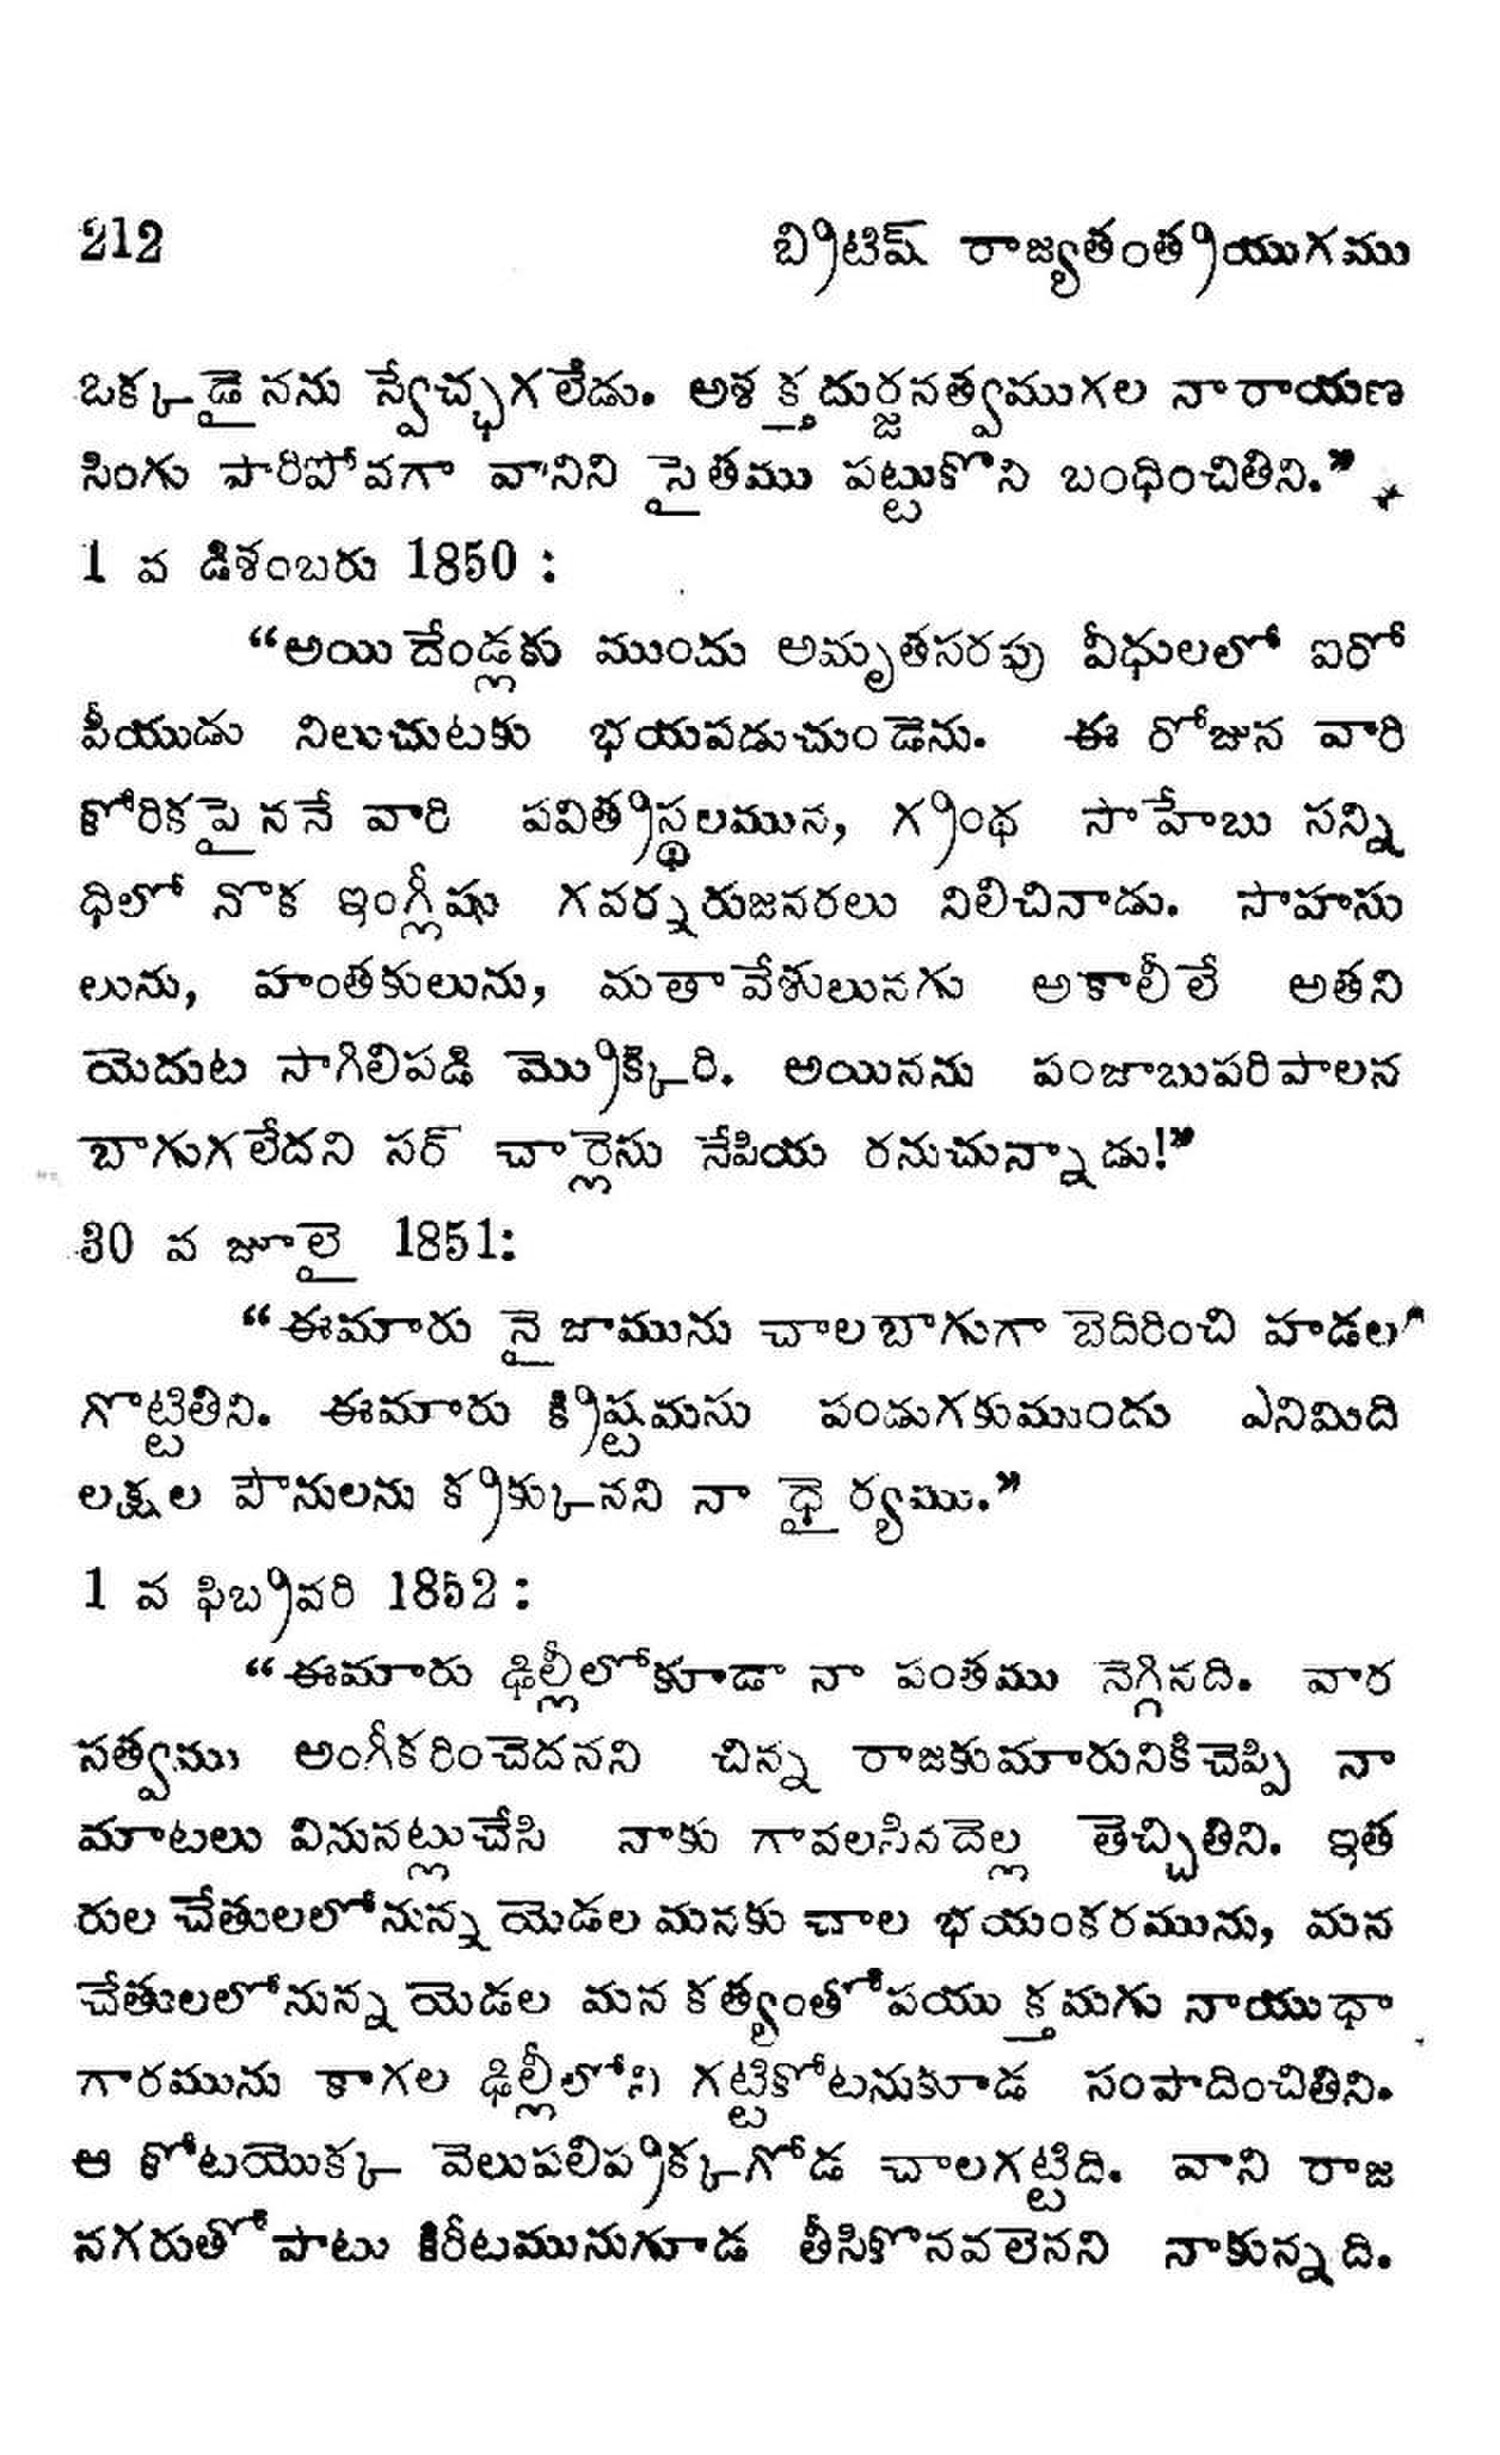ఒక్కడైనను స్వేచ్చగలేడు. అశక్తదుర్జనత్వముగల నారాయణసింగు పారిపోవగా వానిని సైతము పట్టుకొని బంధించితిని." 

1 వ డిశంబరు 1850:

“అయిదేండ్లకు ముందు అమృతసరపు వీధులలో ఐరోపీయుడు నిలుచుటకు భయపడుచుండెను. ఈ రోజున వారి కోరికపైననే వారి పవిత్రస్థలమున, గ్రంథ సాహేబు సన్నిధిలో నొక ఇంగ్లీషు గవర్నరుజనరలు నిలిచినాడు. సాహసులును, హంతకులును, మతావేశులునగు అకాలీలే అతని యెదుట సాగిలిపడి మ్రొక్కిరి. అయినను పంజాబుపరిపాలన బాగుగలేదని సర్ చార్లెసు నేపియ రనుచున్నాడు!" 

30 వ జూలై 1851: 

“ఈమారు నైజామును చాల బాగుగా బెదిరించి హడల గొట్టితిని. ఈమారు క్రిష్టమసు పండుగకుముందు ఎనిమిది లక్షల పౌనులను క్రక్కునని నా ధైర్యము." 

1 వ ఫిబ్రవరి 1852:

"ఈమారు ఢిల్లీలోకూడా నా పంతము నెగ్గినది. వారసత్వము అంగీకరించెదనని చిన్న రాజకుమారునికిచెప్పి నా మాటలు వినునట్లుచేసి నాకు గావలసినదెల్ల తెచ్చితిని. ఇతరుల చేతులలోనున్న యెడల మనకు చాల భయంకరమును, మన చేతులలోనున్న యెడల మన కత్యంతోపయుక్తమగు నాయుధాగారమును కాగల ఢిల్లీలోని గట్టికోటనుకూడ సంపాదించితిని. ఆ కోటయొక్క వెలుపలిప్రక్కగోడ చాలగట్టిది. వాని రాజు నగరుతో పాటు కిరీటమునుగూడ తీసికొనవలెనని నాకున్నది.